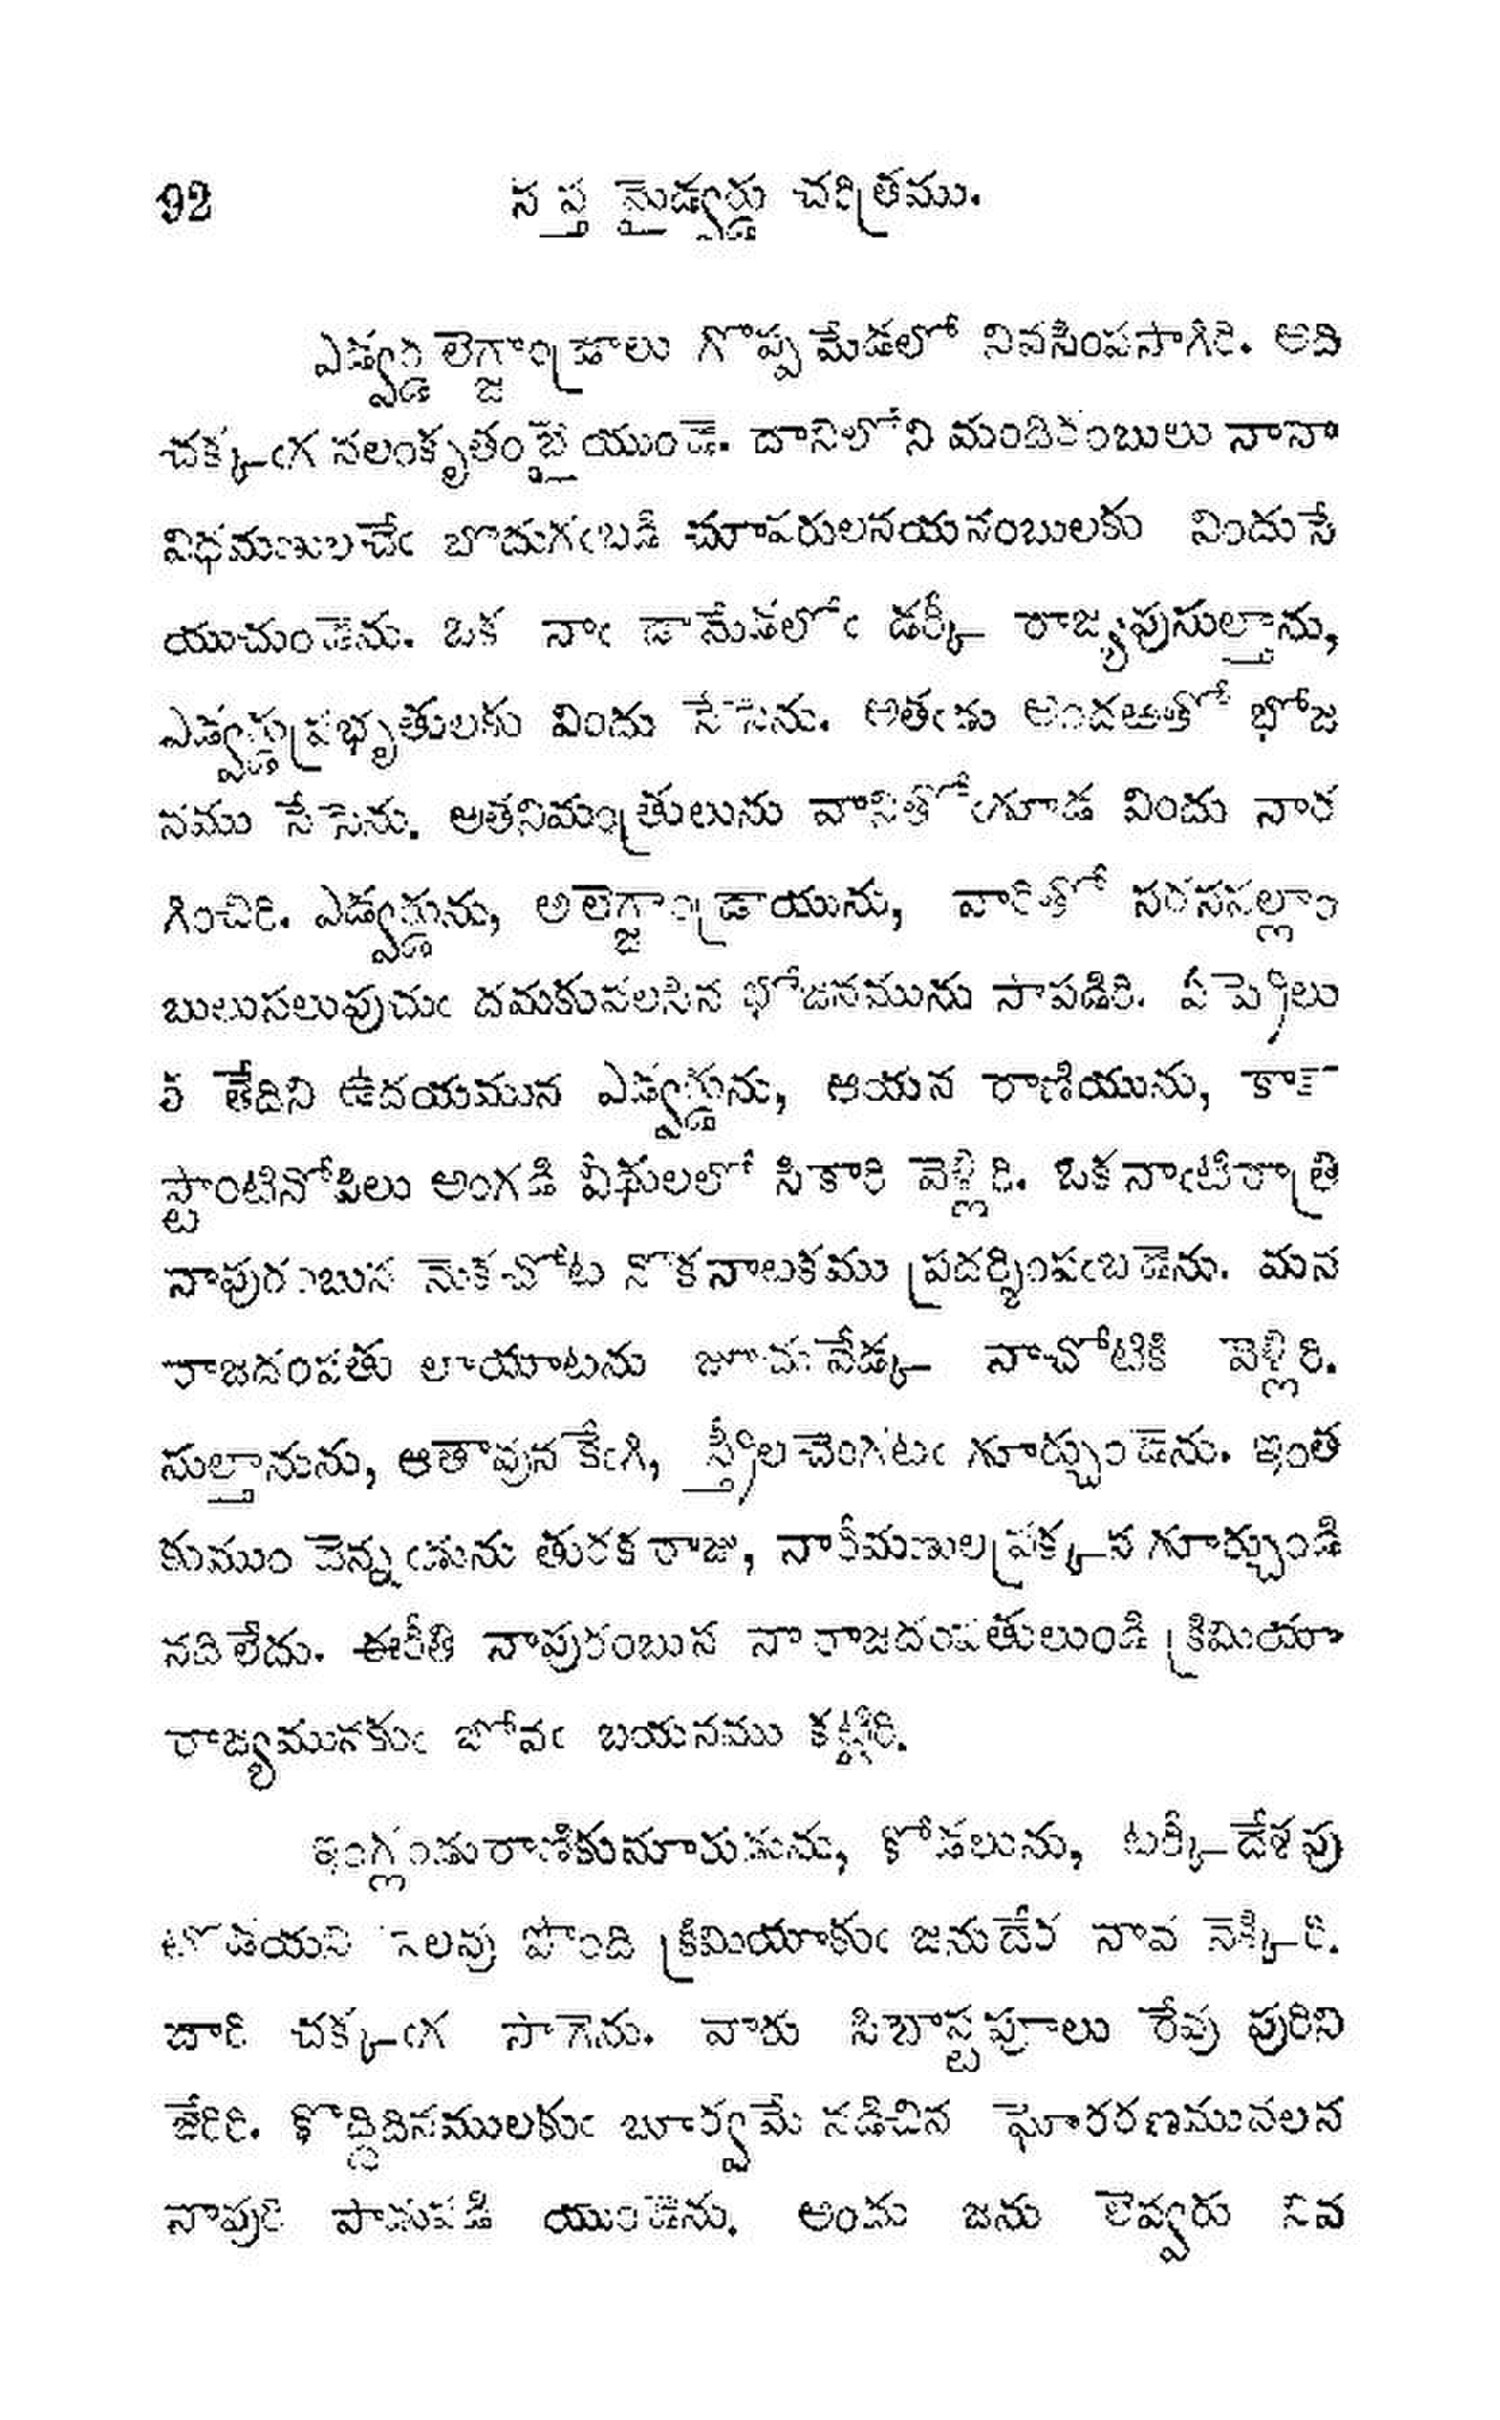ఎడ్వెర్డ లెగ్జాండ్రాలు గొప్ప మేడలో నివసింపసాగిరి. ఆది చక్కఁగ నలంకృతంబై యుండెను..దానిలోని మందిరంబులు నానా విధములచేఁ బొదుగబడి చూపరుల నయనంబులకు విందు సేయు చుండెను. ఒక నాడామేడ లో టర్కి రాజ్యపు సుల్తాను,ఎడ్వర్డు భృతులకు విందు సేసెను. ఇతఁడు అందుఱతో భోజనము సేసెను. అతని మంత్రులును వానితో గూడ విందు నార
గించిరి. ఎడ్వర్డ్ను, అలెగ్జాండ్రాయును, వారి తో సరససల్లాంబులు సలుపుచుఁ దమకు వలసిన భోజనమును సాపడిరి. ఏప్రెలు 5 వ తేదిని ఉదయమున ఎడ్వర్డును, ఆయన రాణియును, "కాన్
స్టాంటినోపిలు అంగడి ఏథులలో సికారి వెళ్లిరి .. ఒక నాఁటిరాత్రి నాపురబున నొక చోట నొకనాటకము ప్రదర్శిషఁబడెను. మన రాజదంపతు లాయాటను జూచు నేడ్క నాచోటికి వెళ్లిరి. సుల్తానును, ఆతావున కేఁగి, స్త్రీల చెంగిటఁ గూర్చుండెను. ఇంతకు ముందెన్నడును తురక రాజు, నారీమణుల ప్రక్కన గూర్చుండి నది లేదు. ఈరీతి నాపురంబున నారాజదంపతులుండి క్రిమీయా రాజ్యమునకుఁ బోవఁ బయనము కట్టిరి.

ఇంగ్లడు రాణి కుమారుడు, కోడలును టర్కీ దేశపు టోడయని సెలవు పొంది క్రిమియాకుఁ జనుదేర నావ నెక్కిరి. దారిచక్కఁగ సాగెను. వారు సిబాస్ట పూలు 'రేపు పురిని జేరిరి. . కొద్ది దినములకుఁ బూర్వమే నడిచిన ఘోరరణమునలన నాపురి పాడు పడి యుండెను. అంచు జను లెవ్వరు నివ